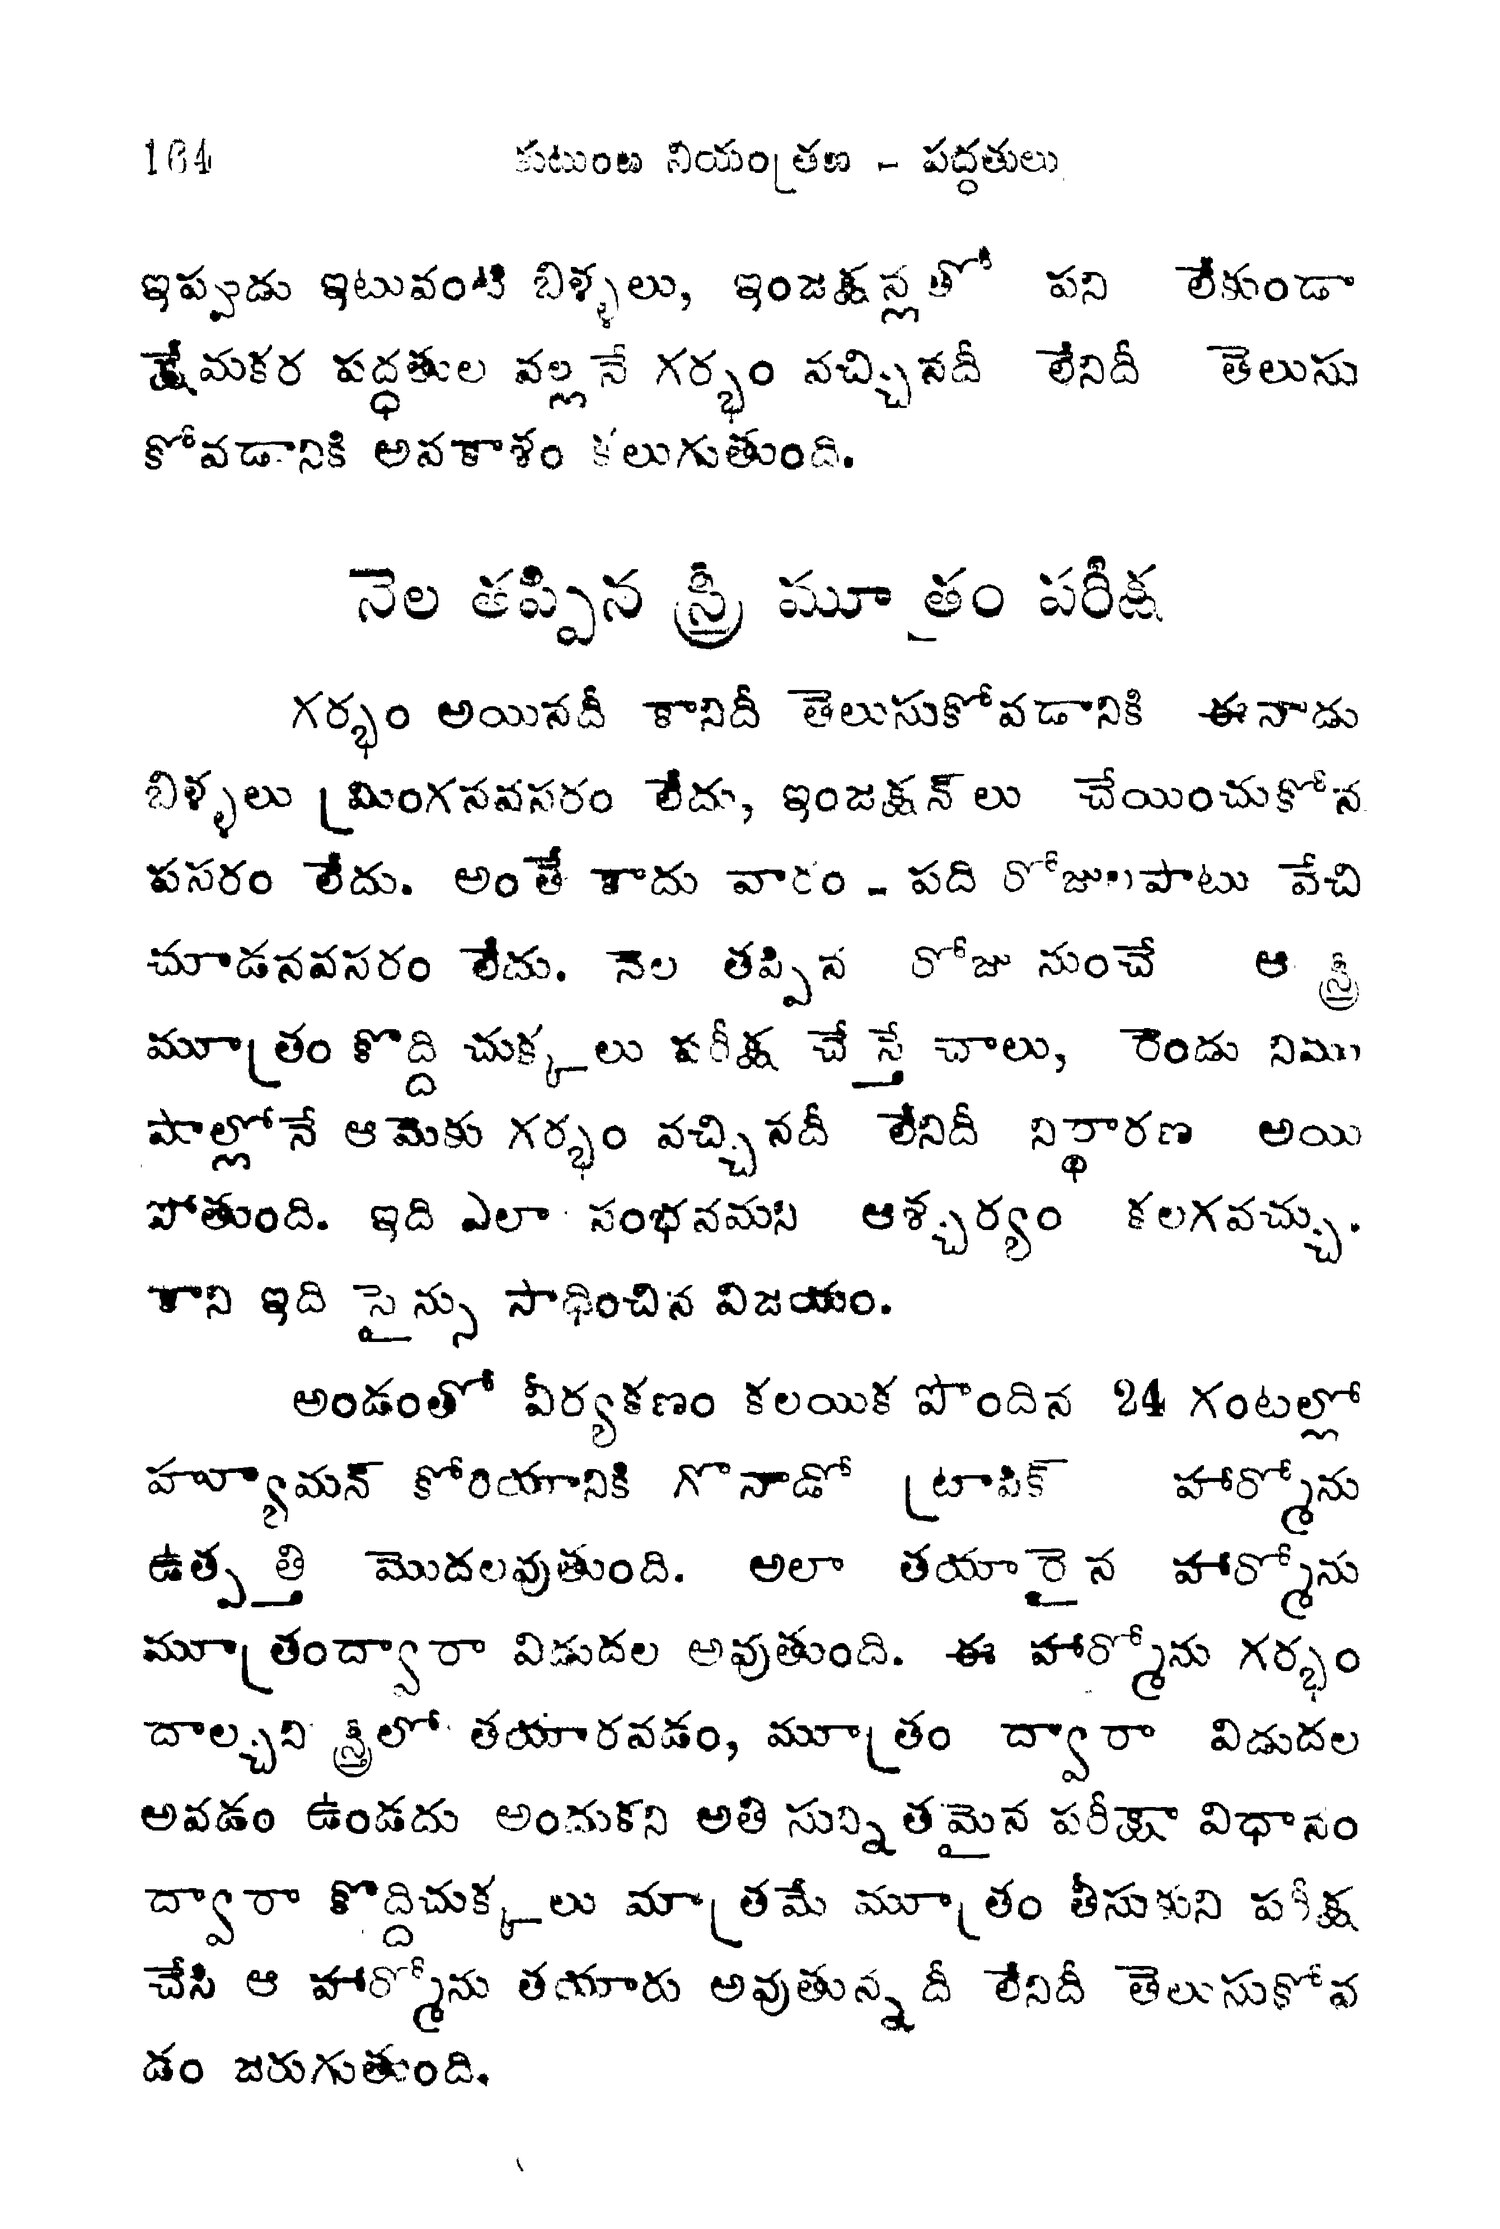ఇప్పుడు ఇటువంటి బిళ్ళలు ఇంజక్షన్లతో పని లేకుండా క్షేమకర పద్దతుల వల్లనే గర్భం వచ్చినదీ లేనిదీ తెలుసు కోవడానికి అవకాశం కలుగుతుంది.

గర్భం అయినదీ కానిదీ తెలుసుకోవడానికి ఈనాడు బిళ్ళలు మ్రింగనవసరం లేదు, ఇంజక్షన్ లు చేయించుకోనవసరం లేదు. అంతే కాదు వారం - పది రోజులపాటు వేచిచూడనవసరం లేదు. నెల తప్పిన రోజు నుంచే ఆ స్త్రీ మూత్రం కొద్ది చుక్కలు పరీక్ష చేస్తే చాలు, రెండు నిముషాల్లోనే ఆమెకు గర్భం వచ్చినదీ లేనిదీ నిర్ధారణ అయి పోతుంది. ఇది ఎలా సంభవమని ఆశ్చర్యం కలగవచ్చు. కాని ఇది సైన్సు సాధించిన విజయం.

అండంతో వీర్యకణం కలయిక పొందిన 24 గంటల్లో హ్యూమన్ కోరియానికి గోనాడో ట్రాసిన్ హార్మోను ఉత్పత్తి మొదలవుతుంది. అలా తయారైన హార్మోను మూత్రంద్వారా విడుదల అవుతుంది. ఈ హార్మోను గర్భం దాల్చని స్త్రీలలో తయారవడం, మూత్రం ద్వారా విడుదల అవడం ఉండదు అందుకని అతి సున్నితమైన పరీక్షావిధానం ద్వారా కొద్దిచుక్కలు మాత్రమే మూత్రం తీసుకుని పరీక్ష చేసి ఆ హార్మోను తయారు అవుతున్నదీ లేనిదీ తెలుకుకోవడం జరుగుతుంది.